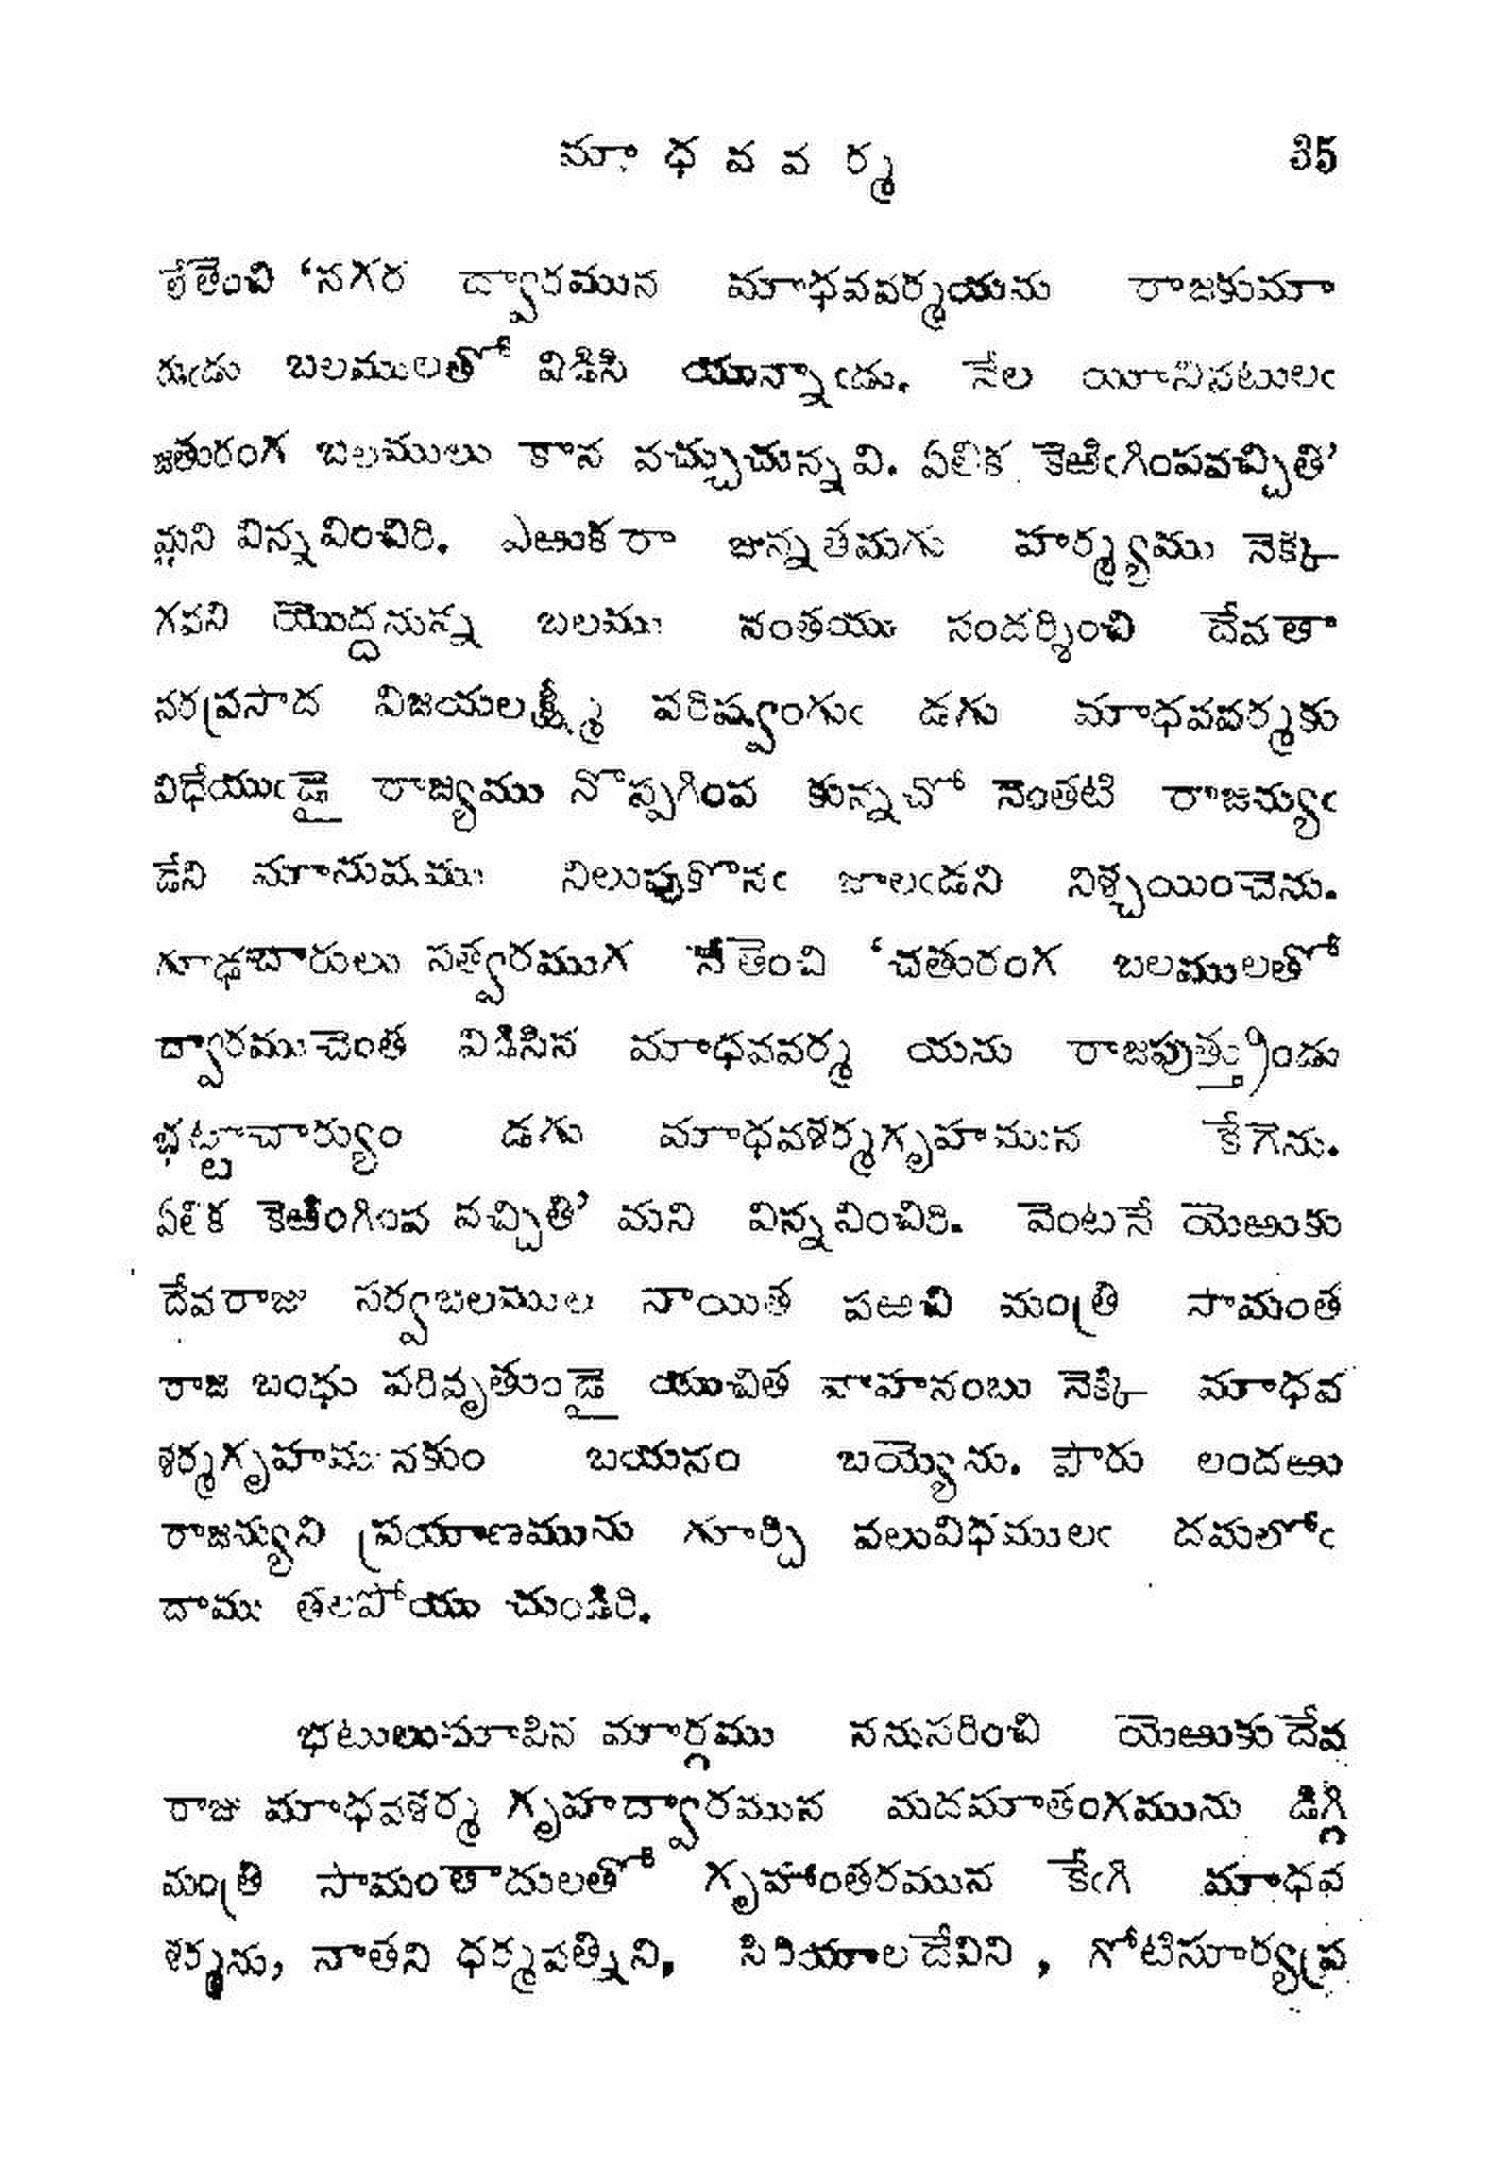లేతెంచి 'నగర ద్వారమున మాధవవర్మయను రాజకుమారుడు బలములతో విడిసి యున్నాడు. నేల యీనినటుల జతురంగ బలములు కాన వచ్చుచున్నవి. ఏలిక కెఱిగింపవచ్చితి' మని విన్నవించిరి. ఎఱుకరా జున్నతమగు హర్మ్యము నెక్కి గవని యొద్దనున్న బలము నంతయు సందర్శించి దేవతావరప్రసాద విజయలక్ష్మీ పరిష్వంగు డగు మాధవవర్మకు విధేయుడై రాజ్యము నొప్పగింప కున్నచో నెంతటి రాజన్యు డేని మానుషము నిలుపుకొన జాలడని నిశ్చయించెను. గూడాచారులు సత్వరముగ నేతెంచి 'చతురంగ బలములతో ద్వారముచెంత విడిసిన మాధవవర్మ యను రాజపుత్రుండు భట్టాచార్యుం డగు మాధవశర్మగృహమున కేగెను. ఏలిక కెఱింగింప వచ్చితి' మని విన్నవించిరి. వెంటనే యెఱుకు దేవరాజు సర్వబలముల నాయిత పఱచి మంత్రి సామంతరాజ బంధు పరివృతుండై యుచిత వాహనంబు నెక్కి మాధవశర్మగృహమునకుం బయనం బయ్యెను. పౌరు లందఱు రాజన్యుని ప్రయాణమును గూర్చి పలువిధముల దమలో దాము తలపోయు చుండిరి.

భటులుచూపిన మార్గము ననుసరించి యెఱుకుదేవరాజు మాధవశర్మ గృహద్వారమున మదమాతంగమును డిగ్గి మంత్రి సామంతాదులతో గృహాంతరమున కేగి మాధవశర్మను, నాతని ధర్మపత్నిని, సిరియాలదేవిని, గోటిసూర్యప్ర